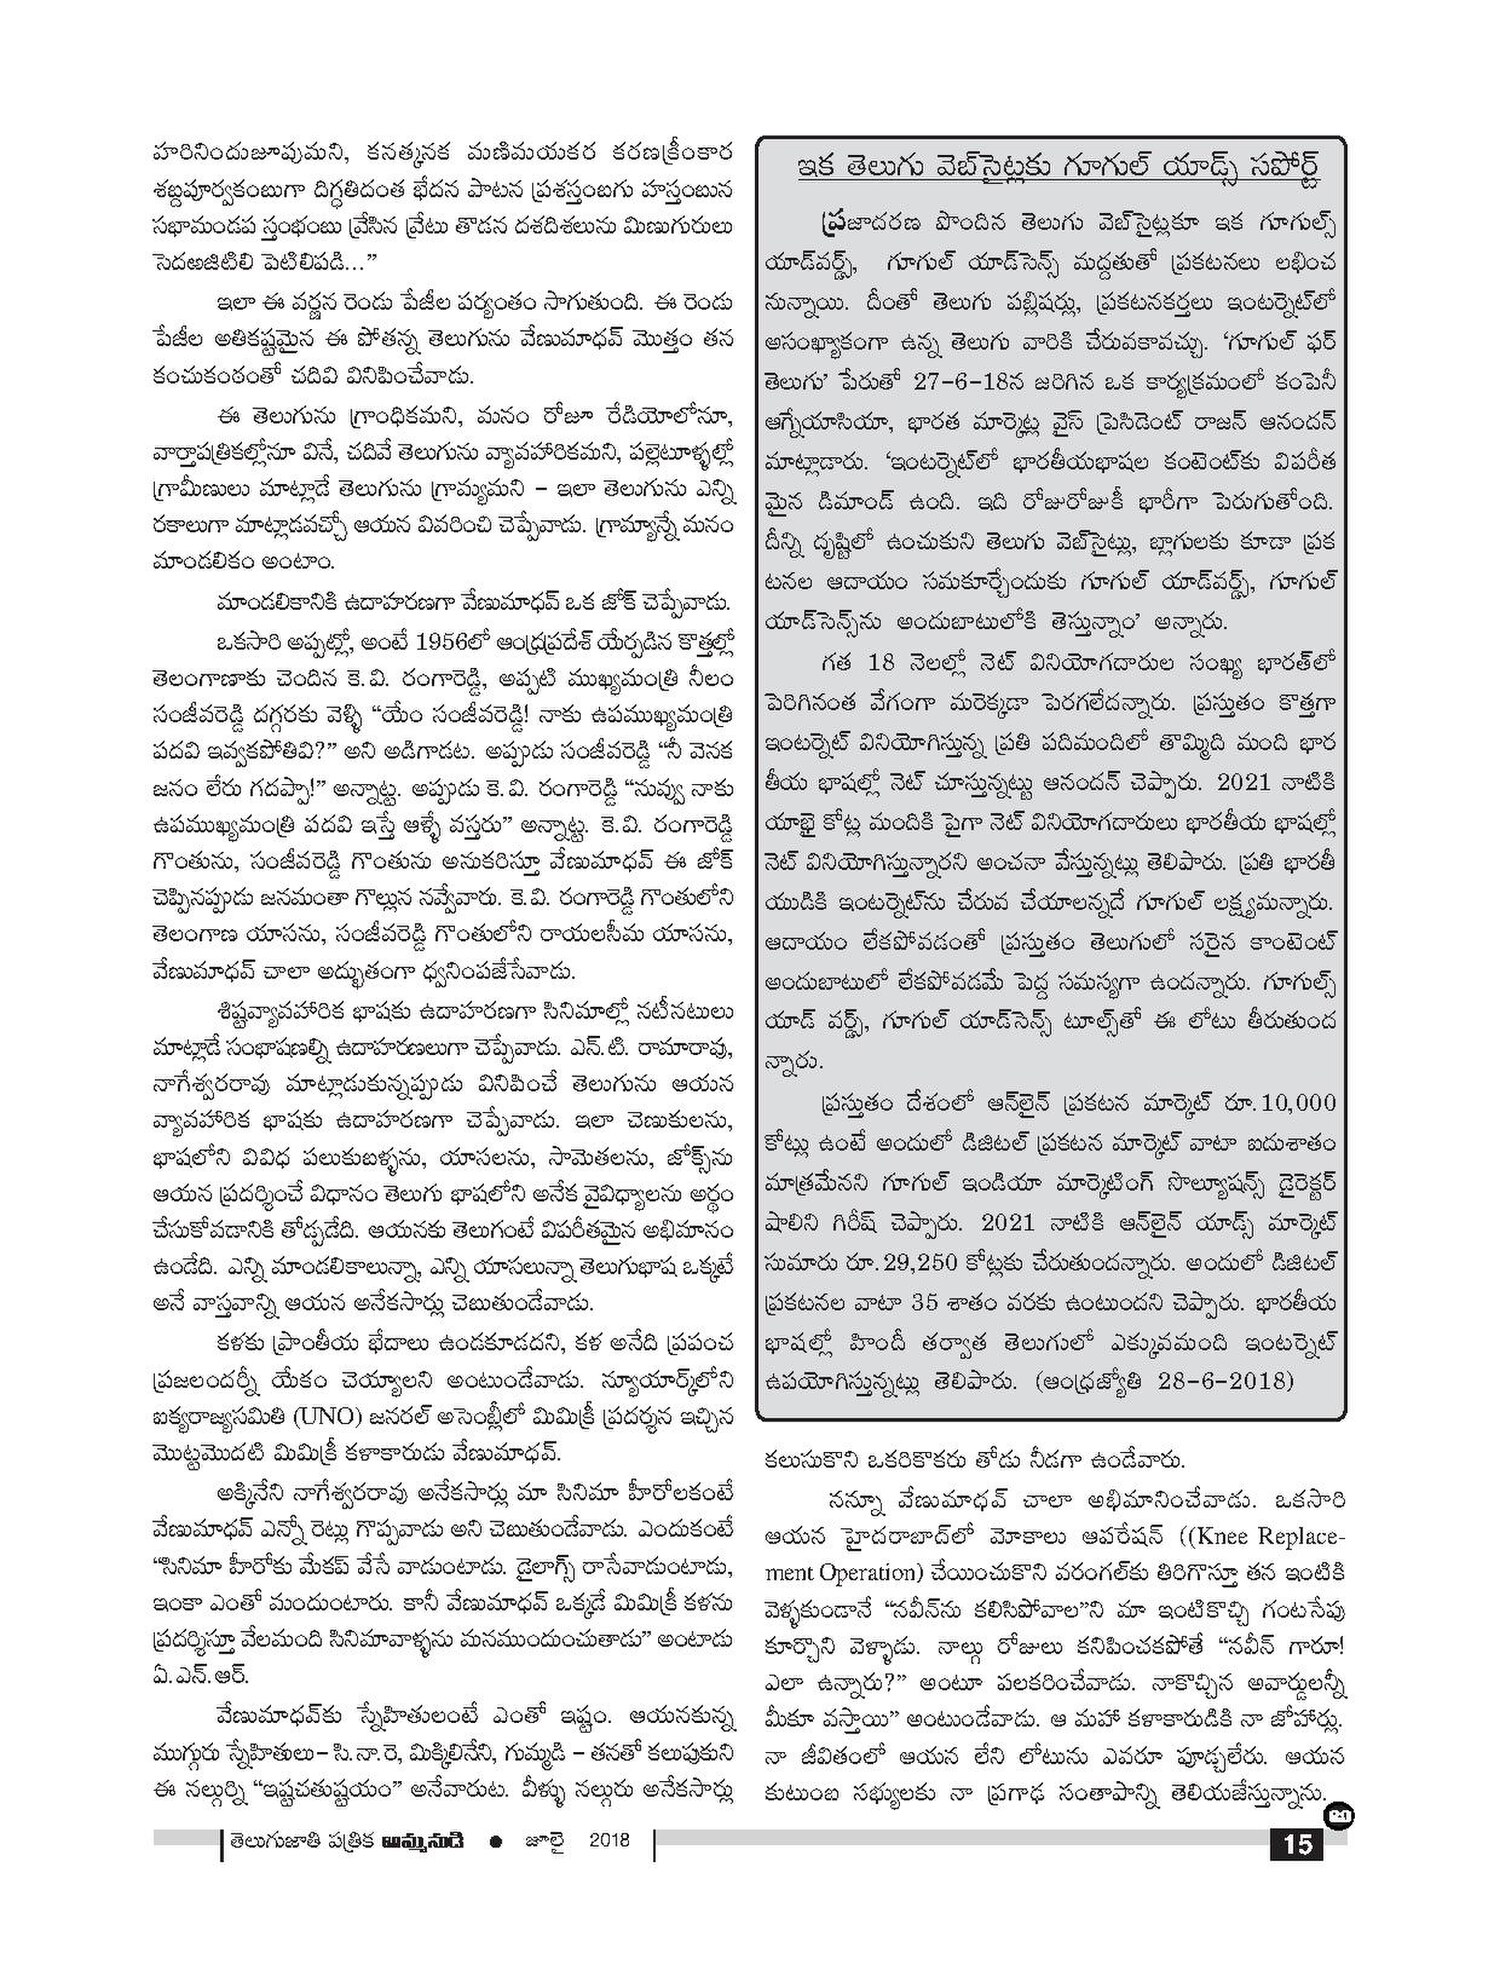హరినిందుజూపుమని, కనత్కనక మణిమయకర కరణక్రీంకార శబ్దపూర్వకంబుగా దిగ్ధతిదంత భేదన పాటన ప్రశస్తంబగు హస్తంబున సభామండప స్తంభంబు వ్రేసిన వ్రేటు తొడన దశదిశలును మిణుగురులు సెదఱజిటిలి పెటిలిపడి..."

ఇలా ఈ వర్ణన రెండు పేజీల పర్యంతం సాగుతుంది ఈ రెండు పేజీల అతికష్టమైన ఈ పోతన్న తెలుగును వేణుమాధవ్ మొత్తం తన కంచుకంఠంతో చదివి వినిపించేవాడు

ఈ తెలుగును గ్రాంథికమని మనం రోజూ రేడియోలోనూ, వార్తాపత్రికల్లోనూ వినే, చదివే తెలుగును వ్యావహారికమని పల్లెటూళ్లలో గ్రామీణులు మాట్లాడే తెలుగును గ్రామ్యమని - ఇలా తెలుగును ఎన్ని రకాలుగా మాట్లాడవచ్చో ఆయన వివరించి చెప్పేవాడు గ్రామ్యాన్నే మనం మాండలికం అంటాం

మాండలికానికి ఉదాహరణగా వేణుమాధవ్ ఒక జోక్ చెప్పేవాడు.

ఒకసారి అప్పట్లో, అంటే 1956లో ఆంధ్రప్రదేశ్ యేర్పడిన కొత్తల్లో తెలంగాణకు చెందిన కె.వి.రంగారెడ్డి అప్పటి ముఖ్యమంత్రి నీలం సంజీవరెడ్డి దగ్గరకు వెళ్ళి "యేం సంజీవరెడ్డి! నాకు ఉపముఖ్యమంత్రి పదవి ఇవ్వకపోతివి?" అని అడిగాడట అప్పుడు సంజీవరెడ్డి "నీ వెనక జనం లేరు గదప్పా!" అన్నాట్ట. అప్పుడు కె. వి. రంగారెడ్డి "నువ్వు నాకు ఉపముఖ్యమంత్రి పదవి ఇస్తే ఆళ్ళే వస్తరు" అన్నాట్ట. కె. వి. రంగారెడ్డి గొంతును, సంజీవరెడ్డి గొంతును అనుకరిస్తూ వేణుమాధవ్ ఈ జోక్ చెప్పినప్పుడు జనమంతా గొల్లున నవ్వేవారు. కె. వి. రంగారెడ్డి గొంతులోని తెలంగాణ యాసను, సంజీవరెడ్డి గొంతులోని రాయలసీమ యాసను, వేణుమాధవ్ చాలా అద్భుతంగా ధ్వనింపజేసేవాడు

శిష్టవ్యావహారిక భాషకు ఉదాహరణగా సినిమాల్లో నటీనటులు మాట్లాడే సంభాషణల్ని ఉదాహరణలుగా చెప్పేవాడు. ఎన్. టి. రామారావు, నాగేశ్వరరావు మాట్లాడుకున్నప్పుడు వినిపించే తెలుగును ఆయన వ్యవహారిక భాషకు ఉదాహరణగా చెప్పేవాడు. ఇలా చెణుకులను, భాషలోని వివిధ పలుకుబళ్ళను, యాసలను, సామెతలను, జోక్స్‌ను ఆయన ప్రదర్శించే విధానం తెలుగు భాషలోని అనేక వైవిధ్యాలను అర్థం చేసుకోవడానికి తోడ్పడేది. ఆయనకు తెలుగంటే విపరీతమైన అభిమానం ఉండేది. ఎన్ని మాండలికాలున్నా, ఎన్ని యాసలున్నా తెలుగుభాష ఒక్కటే అనే వాస్తవాన్ని ఆయన అనేకసార్లు చెబుతూండేవాడు. 

కళకు ప్రాంతీయ భేదాలు ఉండకూడదని కళ అనేది ప్రపంచ ప్రజలందర్నీ యేకం చేయ్యాలని అంటుండేవాడు. న్యూయార్క్‌లోని ఐక్యరాజ్యసమితి (UNO) జనరల్ అసెంబ్లీలో మిమిక్రీ ప్రదర్శన ఇచ్చిన మొట్టమొదటి మిమిక్రీ కళాకారుడు వేణుమాధవ్ 

అక్కినేని నాగేశ్వరరావు అనేకమార్లు మా సినిమా హీరోలకంటే వేణుమాధవ్ ఎన్నో రెట్లు గొప్పవాడు అని చెబుతుండేవాడు. ఎందుకంటే "సినిమా హీరోకు మేకప్ వేసే వాడుంటాడు. డైలాగ్స్ రాసేవాడుంటాడు, ఇంకా ఎంతో మందుంటారు. కానీ వేణుమాధవ్ ఒక్కడే మిమిక్రీ కళను ప్రదర్శిస్తూ వేలమంది సినిమావాళ్ళను మనముందుంచుతాడు" అంటాడు ఏ. ఎన్. ఆర్ 

వేణుమాధవ్‌కు స్నేహితులంటే ఎంతో ఇష్టం ఆయనకున్న ముగ్గురు స్నేహితులు - సి. నా.రె, మిక్కిలినేని, గుమ్మడి - తనతో కలుపుకుని ఈ నల్గుర్ని "ఇష్టచతుష్టయం" అనేవారుట. వీళ్ళు నల్గురు అనేకసార్లు కలుసుకొని ఒకరికొకరు తోడునీడగా ఉండేవారు.

నన్నూ వేణుమాధవ్ చాలా అభిమానించేవాడు. ఒకసారి ఆయన హైదరాబాద్‌లో మోకాలు ఆపరేషన్ (Knee Replacement Operation) చేయించుకుని వరంగల్‌కు తిరిగొస్తూ తన ఇంటికి వెళ్లకుండానే "నవీన్‌ను కలిసిపోవాల"ని మా ఇంటికొచ్చి గంటసేపు కూర్చొని వెళ్లాడు. నాల్గు రోజులు కనిపించకపోతే "నవీన్ గారూ! ఎలా ఉన్నారు?" అంటూ పలకరించేవాడు నాకొచ్చిన అవార్డులన్నీ మీకూ వస్తాయి" అంటుండేవాడు. ఆ మహా కళాకారుడికి నా జోహార్లు. నా జీవితంలో ఆయన లేని లోటును ఎవరూ పూడ్చలేరు. ఆయన కుటుంబ సభ్యులకు నా ప్రగాఢ సంతాపాన్ని తెలియజేస్తున్నాను.

ఇక తెలుగు వెబ్‌సైట్లకు గూగుల్ యాడ్స్ సపోర్ట్

ప్రజాదరణ పొందిన తెలుగు వెబ్‌సైట్లకు ఇక గూగుల్స్ యాడ్‌వర్డ్స్, గూగుల్ యాడ్‌సెన్స్ మద్దతుతో ప్రకటనలు లభించనున్నాయి. దీంతో తెలుగు పబ్లిషర్లు, ప్రకటనకర్తలు ఇంటర్నెట్‌లో అసంఖ్యాకంగా ఉన్న తెలుగు వారికి చేరువకావచ్చు. 'గూగుల్ ఫర్ తెలుగు' పేరుతో 27 - 6 - 18న జరిగిన ఒక కార్యక్రమంలో కంపెనీ ఆగ్నేయాసియా భారత మార్కెట్ల వైస్ ప్రెసిడెంట్ రాజన్ ఆనందన్ మాట్లాడారు. 'ఇంటర్నెట్‌లో భారతీయభాషల కంటెంట్‌కు విపరీతమైన డిమాండ్ ఉంది ఇది రోజురోజుకీ భారీగా పెరుగుతోంది. దీన్ని దృష్టిలో ఉంచుకుని తెలుగు వెబ్‌సైట్లు బ్లాగులకు కూడా ప్రకటనల ఆదాయం సమకూర్చేందుకు గూగుల్ యాడ్‌వర్డ్స్ గూగుల్ యాడ్‌సెన్స్‌ను అందుబాటులోకి తెస్తున్నాం' అన్నారు.

గత 18 నెలల్లో నెట్ వినియోగదారుల సంఖ్య భారత్‌లో పెరిగినంత వేగంగా మరెక్కడా పెరగలేదన్నారు. ప్రస్తుతం కొత్తగా ఇంటర్నెట్ వినియోగిస్తున్న ప్రతి పదిమందిలో తొమ్మిది మంది భారతీయ భాషల్లోనే నెట్ చూస్తున్నట్టు ఆనందన్ చెప్పారు. 2021 నాటికి యాభై కోట్ల మందికి పైగా నెట్ వినియోగదారులు భారతీయ భాషల్లో నెట్ వినియోగిస్తున్నారని అంచనా వేస్తున్నట్లు తెలిపారు. ప్రతి భారతీయుడికి ఇంటర్నెట్ చేరువ చేయాలన్నదే గూగుల్ లక్ష్యమన్నారు. ఆదాయం లేకపోవడంతో ప్రస్తుతం తెలుగులో సరైన కంటెంట్ అందుబాటులో లేకపోవడమే పెద్ద సమస్యగా ఉందన్నారు గూగుల్స్ యాడ్ వర్డ్స్, గూగుల్ యాడ్‌సెన్స్ టూల్స్‌తో ఈ లోటు తీరుతుందన్నారు.

ప్రస్తుతం దేశంలో ఆన్‌లైన్ ప్రకటన మార్కెట్ రూ 10,000 కోట్లు ఉంటే అందులో డిజిటల్ ప్రకటన మార్కెట్ వాటా ఐదుశాతం మాత్రమేనని గూగుల్ ఇండియా మార్కెటింగ్ సొల్యూషన్స్ డైరెక్టర్ షాలిని గిరీష్ చెప్పారు. 2021 నాటికి ఆన్‌లైన్ యాడ్స్ మార్కెట్ సుమారు రూ 29,250 కోట్లకు చేరుతుందన్నారు. అందులో డిజిటల్ ప్రకటనల వాటా 35 శాతం వరకు ఉంటుందని చెప్పారు. భారతీయ భాషల్లో హిందీ తర్వాత తెలుగులో ఎక్కువమంది ఇంటర్నెట్ ఉపయోగిస్తున్నట్లు తెలిపారు. (ఆంధ్రజ్యోతి 28 - 6 - 2018)